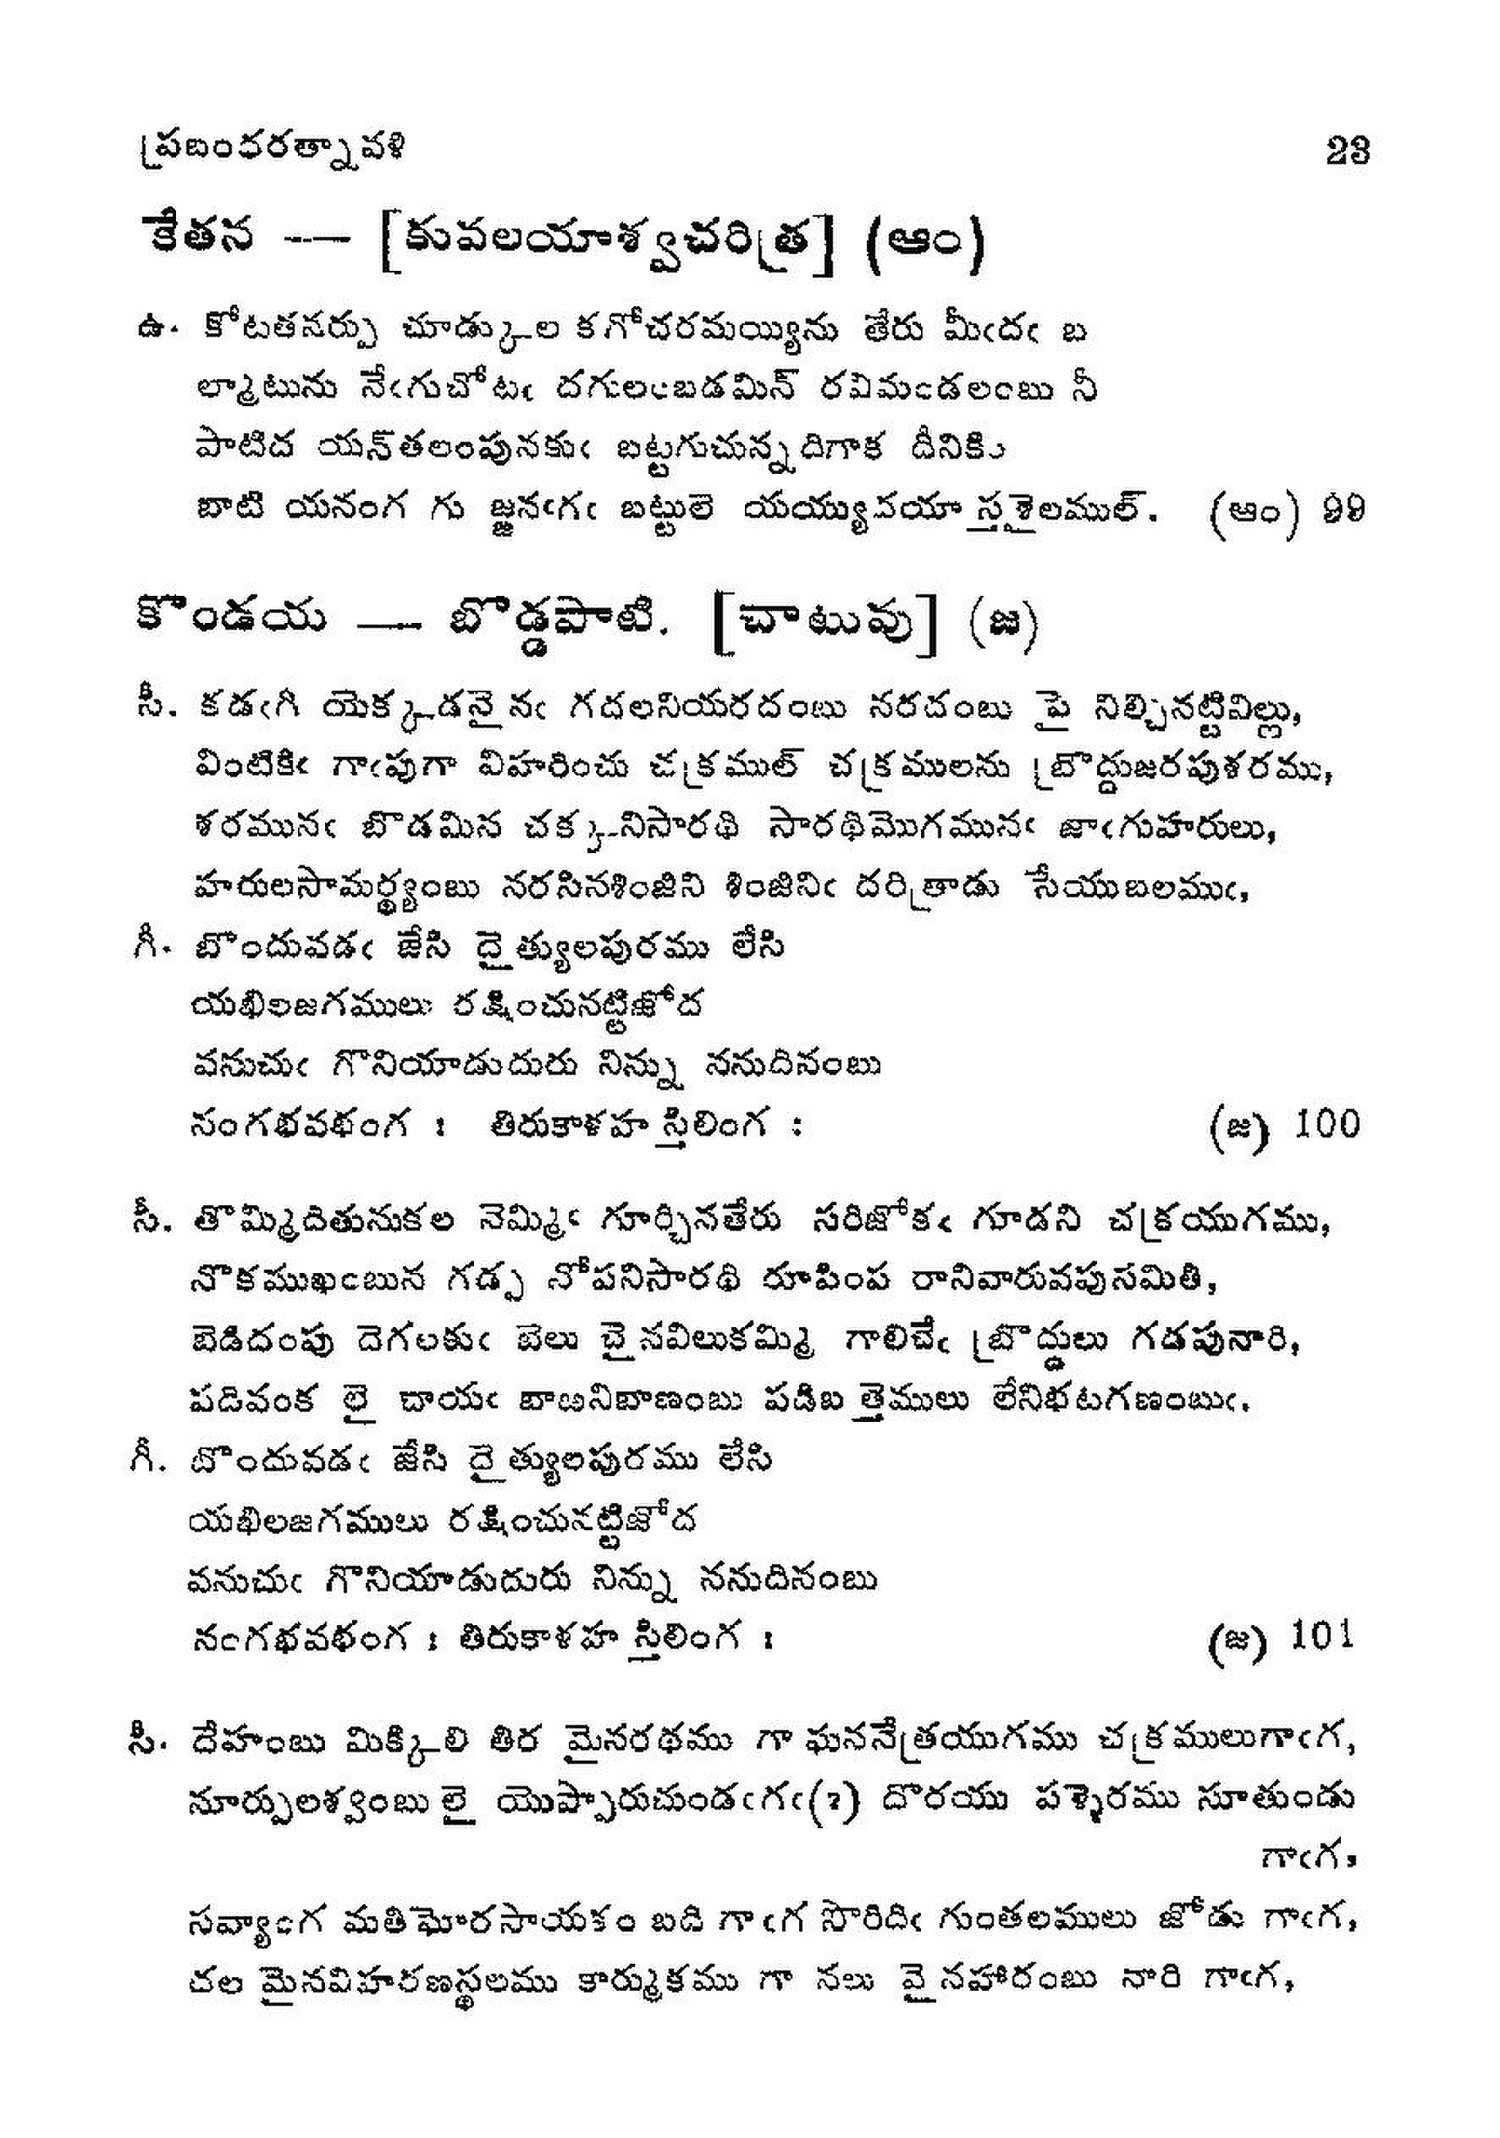ఉ. కోటతనర్పు చూడ్కుల కగోచర మయ్యును తేరు మీఁదఁ బ
ల్మాటును నేఁగుచోఁట దగులంబడమిన్ రవిమండలంబు నీ
పాటిదయన్ తలంపునకుఁ బట్టగుచున్నదిగాక దీనికిం
బాటి యనంగ గుజ్జనఁగఁ బట్టులె యయ్యుదయాస్తశైలముల్. (ఆం) 99

సీ. కడఁగి యెక్కడ నైనఁ గదలనియరదంబు నరదంబుపై నిల్చినట్టి విల్లు,
వింటికిఁ గాఁపుగా విహరించుచక్రముల్ చక్రములను బ్రొద్దుజరపు శరము,
శరమునఁ బొడమిన చక్కనిసారథి సారథిమొగమునఁ జాఁగు హరులు,
హరులసామర్థ్యంబు నరసిన శింజిని శింజినిఁ దరిత్రాడు సేయు బలముఁ,
గీ. బొందువడఁ జేసి దైత్యులపురము లేసి
యఖిలజగములు రక్షించునట్టి జోద
వనుచుఁ గొనియాడుదురు నిన్ను ననుదినంబు
నంగభవభంగ! తిరుకాళహస్తిలింగ! (జ) 100

సీ. తొమ్మిదితునుకల నెమ్మిఁ గూర్చినతేరు సరిజోకఁ గూడనిచక్రయుగము,
నొకముఖంబున గడ్ప నోపనిసారథి రూపింపరాని వారువపుసమితి,
బెడిదంపుదెగలకుఁ బెలుచైన విలుకమ్మి గాలిచేఁ బ్రొద్దులు గడపు నారి,
పదివంకలై చాయఁ బాఱనిబాణంబు పడిబత్తెములు లేని భటగణంబుఁ,
గీ. బొందువడఁ జేసి దైత్యులపురము లేసి
యఖిలజగములు రక్షించునట్టి జోద
వనుచుఁ గొనియాడుదురు నిన్ను ననుదినంబు
నంగభవభంగ! తిరుకాళహస్తిలింగ! (జ) 101

సీ. దేహంబు మిక్కిలి తిరమైనరథము గా ఘననేత్రయుగము చక్రములు గాఁగ,
నూర్పు లశ్వంబులై యొప్పారుచుండఁగఁ[?] దొరయు పళ్ళెరము సూతుండు గాఁగ,
సవ్యాంగ మతిఘోరసాయకం బది గాఁగ సొరిదిఁ గుంతలములు జోడు గాఁగ,
దలమైన విహరణస్థలము కార్ముకము గా నలువైన హారంబు నారి గాఁగ,